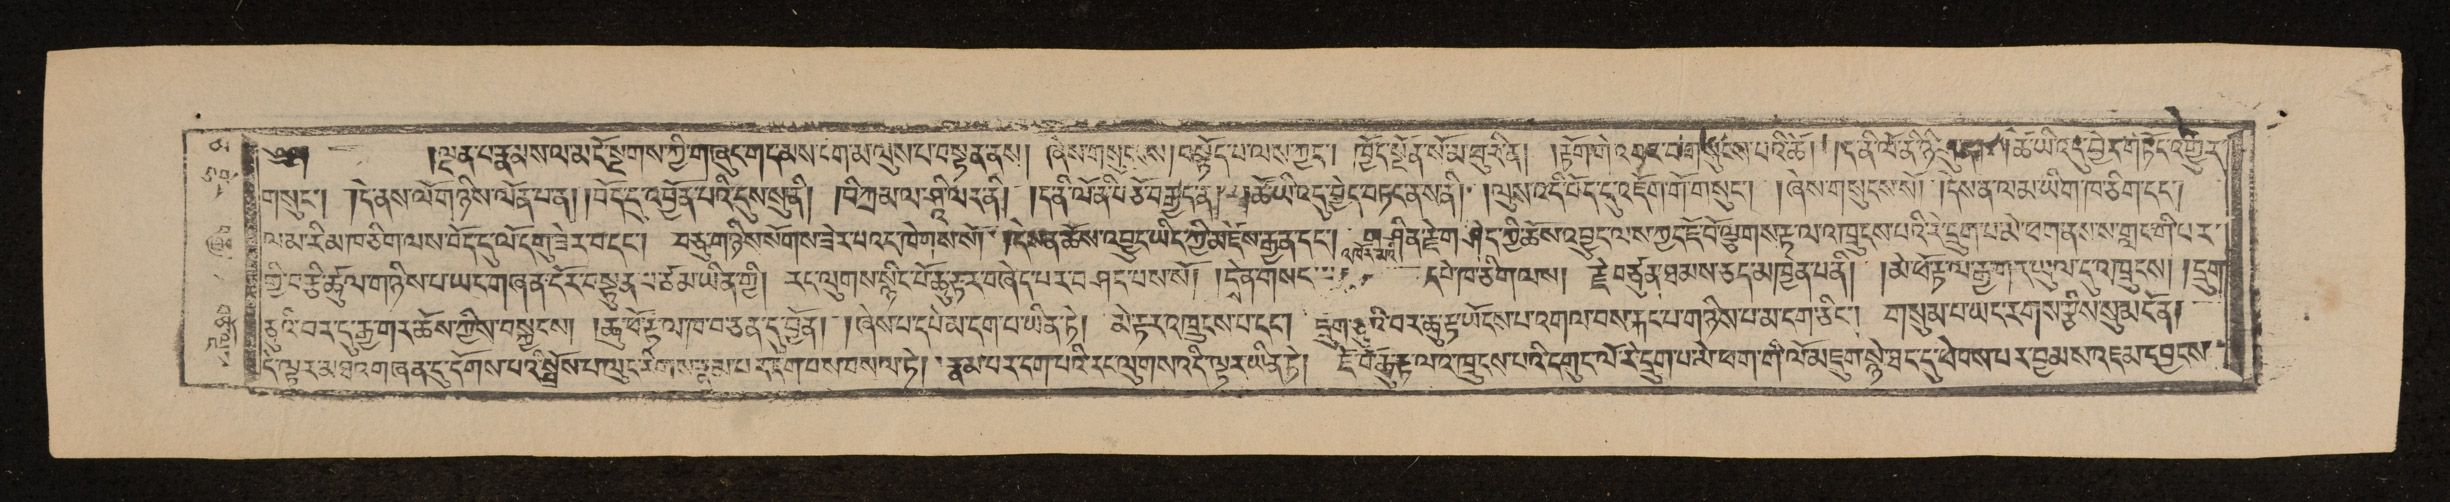༄༅། །ལྡན་པ་རྣམས་ལ་མདོ་སྔགས་ཀྱི་གཞུང་གདམས་ངག་མ་ལུས་པ་བསྟན་ནས། ཞེས་གསུངས། བསྟོད་པ་ལས་ཀྱང་། ཁྱོད་སྔོན་སོ་མ་བུ་རིན། །རྟོག་གེ་འབར་བ་གསུངས་པའི་ཚེ། །ད་ནི་ལོ་ནི་ཉི་ཤུན། །ཚེ་ཡི་འདུ་བྱེད་གཏོང་འགྱུར་
གསུང་། །དེ་ནས་ལོ་གཉིས་ལོན་པ་ན། །བོད་དུ་འབྱོན་པའི་དུས་སུ་ནི། །བི་ཀྲམ་ལ་ཤཱི་ལར་ནི། །ད་ནི་ལོ་ནི་བཅོ་བརྒྱད་ན། །ཚེ་ཡི་འདུ་བྱེད་བཏང་ནས་ནི། །ལུས་འདི་བོད་དུ་འཇོག་གོ་གསུང་། །ཞེས་གསུངས་སོ། །དེས་ན་ལམ་ཡིག་ཁ་ཅིག་དང་།
ལམ་རིམ་ཁ་ཅིག་ལས་བོད་དུ་ལོ་དགུ་ཟེར་བ་དང་། བཅུ་གཉིས་སོགས་ཟེར་པའང་ཁེགས་སོ། །དེས་ན་ཆོས་འབྱུང་ཡིད་ཀྱི་མཛེས་རྒྱན་དང་། གཤིན་རྗེ་གཤེད་ཀྱི་ཆོས་འབྱུང་ལས་ཀྱང་ཇོ་བོ་ལྕགས་རྟ་ལ་འཁྲུངས་པའི་རེ་དྲུག་པ་མེ་ཕག་ནས་ས་གླང་གི་བར་
གྱི་བརྩི་ཚུལ་གཉིས་པ་ཡང་གཞན་ངོར་བསྟུན་པ་ཙམ་ཡིན་གྱི། རང་ལུགས་སྙིང་པོ་ཆུ་རྟར་བཞེད་པར་བཤད་པས་སོ། །དེས་ན་གསང་འཁོར་མའི་དཔེ་ཁ་ཅིག་ལས། རྗེ་བཙུན་ཐམས་ཅད་མཁྱེན་པ་ནི། །མེ་ཕོ་རྟ་ལ་རྒྱ་གར་ཡུལ་དུ་འཁྲུངས། །དྲུག་
ཅུའི་བར་དུ་རྒྱ་གར་ཆོས་ཀྱིས་བསྐྱངས། །ཆོ་ཕོ་རྟ་ལ་ཁ་བ་ཅན་དུ་བྱོན། །ཞེས་པ་དཔེ་མ་དག་པ་ཡིན་ཏེ། མེ་རྟར་འཁྲུངས་པ་དང་། དྲུག་ཅུའི་བར་ཆུ་རྟ་ཡོངས་པ་འགལ་བས་རྐང་པ་གཉིས་པ་མ་དག་ཅིང་། གསུམ་པ་ཡང་རགས་རྩིས་སུ་མདོན།
དེ་ལྟར་མཐའ་གཞན་དུ་དོགས་པའི་སྤྲོས་པ་ལུང་རིགས་རྣམ་པར་དག་པས་བསལ་ཏེ། རྣམ་པར་དག་པའི་རང་ལུགས་འདི་ལྟར་ཡིན་ཏེ། ཇོ་བོ་ཆུ་རྟ་ལ་འཁྲུངས་པའི་དགུང་ལོ་རེ་དྲུག་པ་མེ་ཕག་གི་ལོ་མཇུག་སྙེ་ཐང་དུ་ཕེབས་པར་བྱམས་འཇམ་དབྱངས་